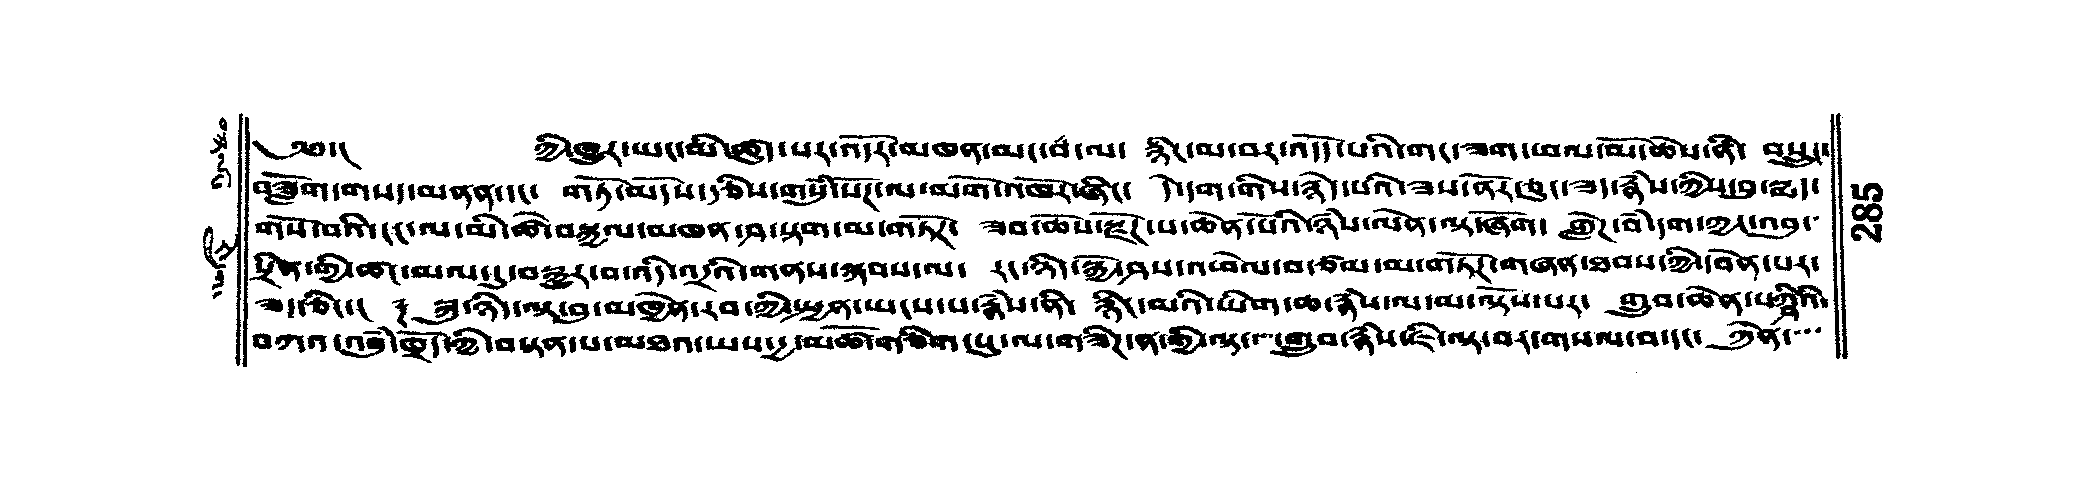ཀྱི་ཁྱུར་ཡང་མི་ཚུད་པར་འདོར་མཁན་མང་བ་ལ། སྙིང་མ་བར་འདོད་པའི་གང་ཟག་ཕལ་མོ་ཆེས་ནི། བསྲུང་
བཟློག་གསད་མནན་དང་། གཏོ་མདོས་རྩིས་གསུམ་སོགས་ལ་མགོ་འཁོར་ཞིང་། དེ་དག་གིས་རྙེད་པའི་ཟས་ནོར་ཅུང་ཟད་རྣམས་ཀྱི་བུ་སྨད་
གསོ་བའི་ངང་ལ་མི་ཚེ་བསྐྱལ་མཁན་ཤ་སྟག་མ་གཏོགས། ཟབ་ཆོས་རྫོགས་པ་ཆེན་པོའི་ཉམས་ལེན་ལྟ་ཞོག གླེགས་བམ་དག་ཀྱང་འབུ་
སྲིན་གྱི་ཚང་མལ་དུ་བསྐྱུར་བ་འདི་འདྲའི་གནས་སྐབས་ལ།རང་ཉིད་སྐྱོ་ཤས་འཕེལ་བ་ཙམ་མ་གཏོགས་གཞན་ཐབས་ཀྱི་དབེན་པར་
ཟད་ཅིང་། སྐུ་ཉིད་ལྟ་བུ་མཁྱེན་རབ་ཀྱི་སྤྱན་ཡངས་པ་རྣམས་ནི། རྙིང་མའི་ཡིག་ཆ་རྣམས་ལ་མ་ལྟོས་པར། གྲུབ་ཆེན་པཀྴིའི་
བཀའ་འབུམ་ཁྲོད་ཀྱི་བསྟན་པ་མཐའ་ཡས་རྒྱ་མཚོ་གཅིག་པུ་ལ་གཟིགས་ན་ལྟ་གྲུབ་རྣམས་ཇི་ལྟ་བར་གསལ་བ་དང་། ཀུན་མཁྱེན་